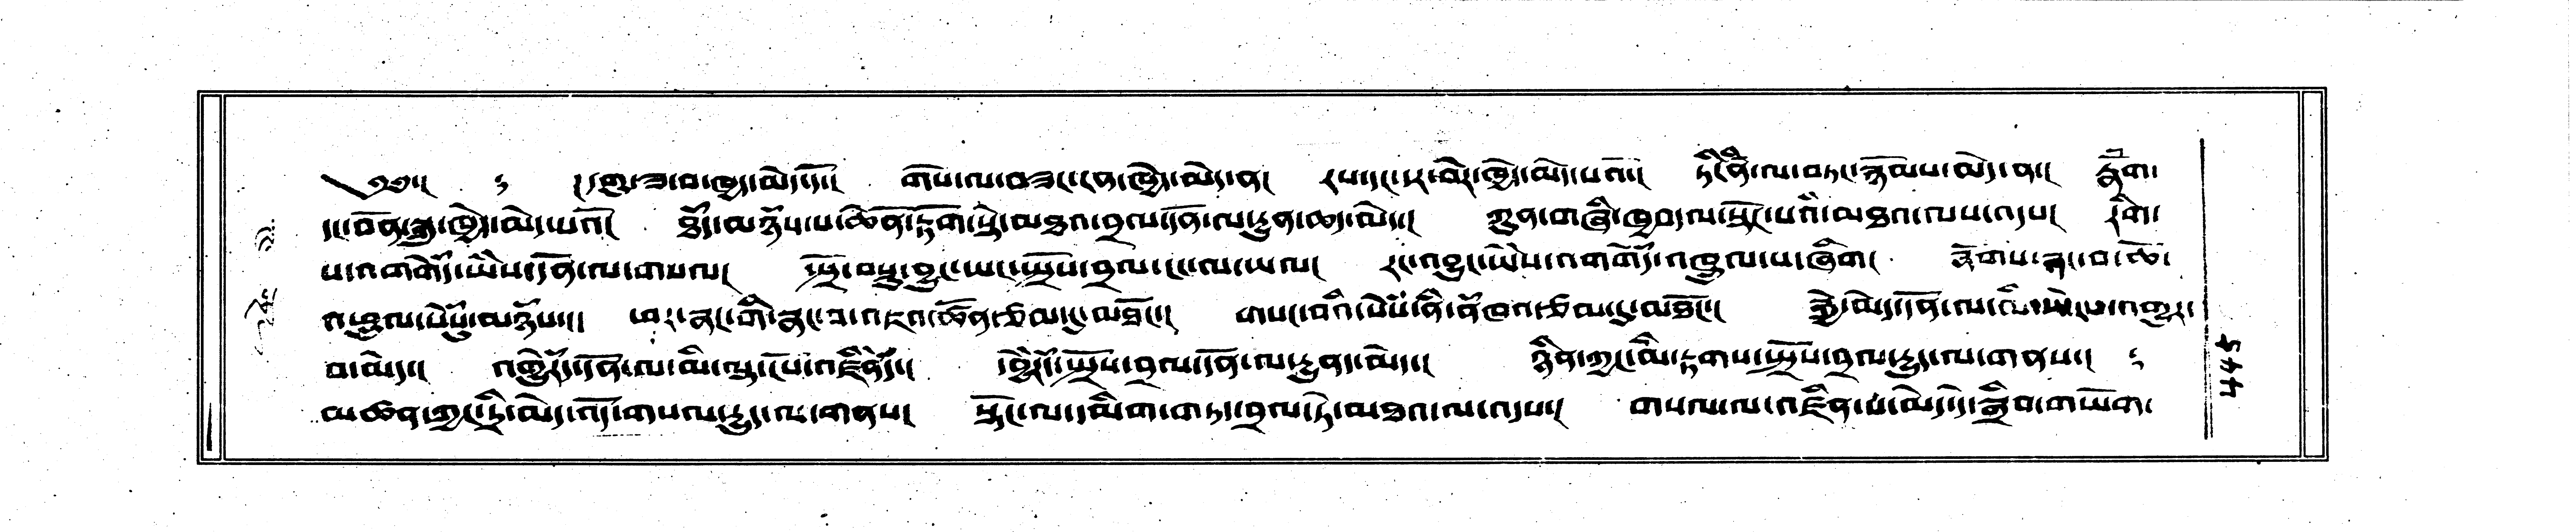དགུ་དང་ཟག་པ་ལས་ཁྱད་མེད་པའོ། གོས་ལ་བཟང་ངན་མི་ཤེས་ནས། རེ་བ་དང་དར་ལ་ཁྱད་པའོ། ཏིང་འཛིན་ལ་བཏང་སྙོམས་མེད་ནས་ རྣམ་རྟོག་
དང་བོན་སྐུ་ལ་ཁྱད་མེད་པའོ། ཐམས་ཅད་མཉམ་པ་ཆེན་པོར་རྟོགས་ནས། མཐའ་བྲལ་དོན་ལ་རྒྱུན་ཆད་མེད། ཀུན་གཞི་ཁྱབ་བདལ་སྟོང”པའི་མཐའ”་ལས་འདས། རིག་
པ་གྷག་(འགག)མེད་ཡེ་ཤེས་དོན་ལ་གསལ། སྤྲོ་བསྡུ་བྱུང་ཡང་སྤྲོས་བྲལ་ངང་ལ་ཡལ། རང་འབྱུང་ཡེ་ཤེས་གྷག་(འགག)མེད་འཁྲུལ་པ་ཞི། སྣ་ཚོགས་སྣང་བ་ཆོ་
འཕྲུལ་སེམས་སུ་སྟོང་། ཕར་སྣང་གིས་སྣང་བ་གཞའ་ཚོན་ཙམ་དུ་མཐོང་། གསང་བའི་སེམས་ནི་ནམ་མཁའ་ཙམ་དུ་མཐོང་། སྐྱེ་མེད་དོན་ལ་ཡེངས་མེད་འགྱུར་
བ་མེད། འགྱུར་མེད་དོན་ལ་མི་འདའ་ངོས་འཛིན་མེད། དབྱེར་མེད་སྤྲོས་བྲལ་དོན་ལ་རྒྱུན་ཆད་མེད། ཉིན་ཀྱང་༼ཡང༽མི་རྟོག་སྤྲོས་བྲལ་རྒྱུད་གནས་
 མཚན་ཀྱང་དྲི་མེད་འོད་གསལ་རྒྱུད་ལ་གནས། སྟོང་པ་དམིགས་གཏད་བྲལ་ཏེ་མཐའ་ལས་འདས། གསལ་ལ་ཞེ་འཛིན་མེད་དེ་སྒྲིབ་གཡོག་